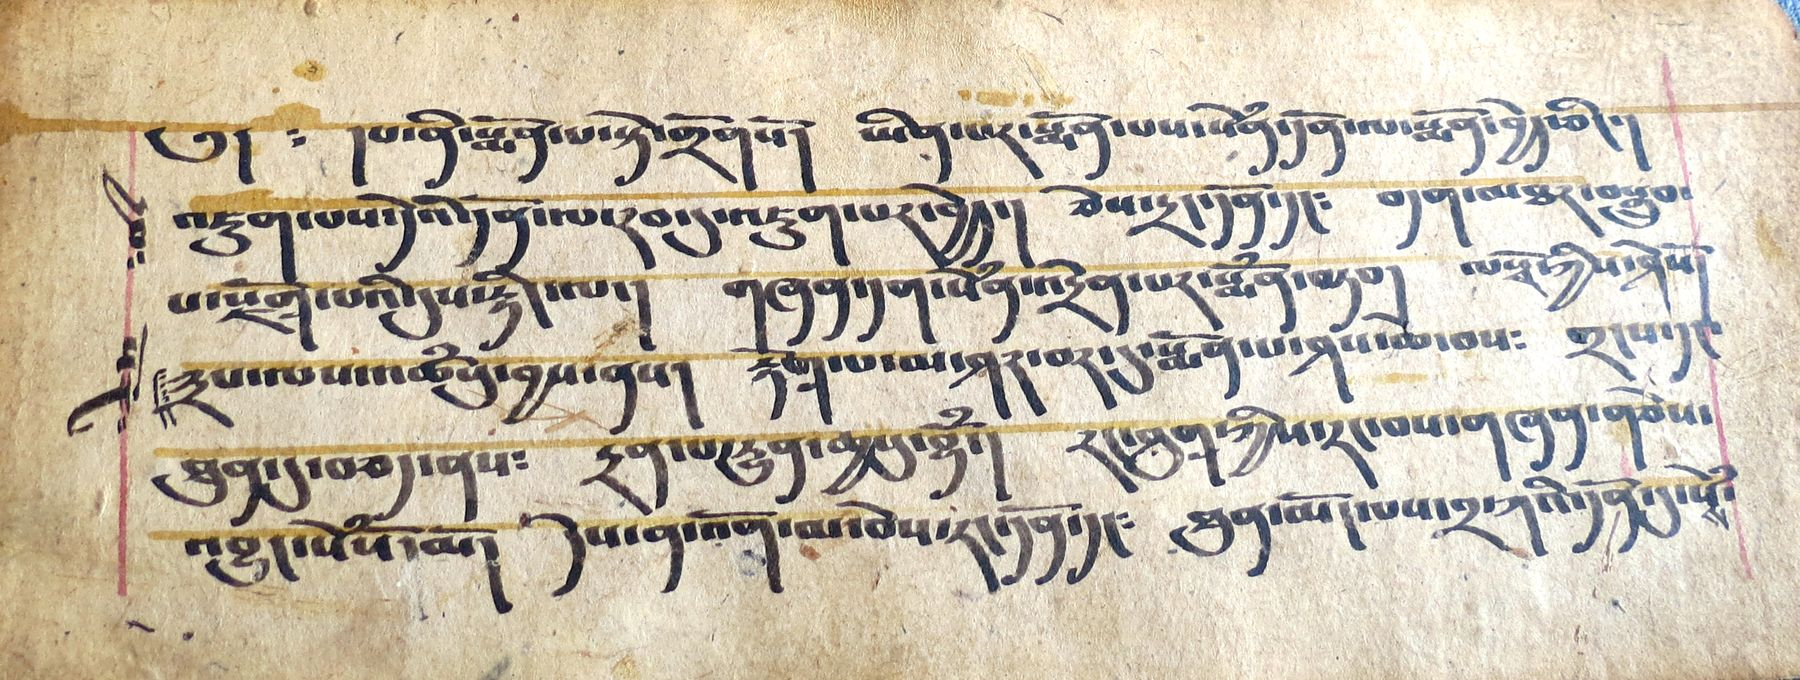པ་ནི་སྨོན་པ་སྟེ་གྲོགས་སྟེ། ཡིན་པར་སྨོན་པ་སེམས་ཅན་དོན་ལ་སྨོན་བྱེད་ཅིང་། 
འཇུག་པ་དེའི་དོན་ལ་རབ་ཏུ་འཇུག་པར་བྱེད། ཅེས་དྲང་དོན་དང་། བདག་མཐར་གྲུབ་
པ་རྫོགས་པའི་དུས་རྟིང་ལ། གཞན་དག་སེམས་ཅན་འདྲེན་པར་སྨོན་ལམ་བཏབ་པ་ལ་སོགས་ཀྱིས་ཤེས་སོ། ། 
གསུམ་པ་༼དེ་དག་གི་ཞོར་འབྱུང་བསྟན་པ༽ལ་ས་མཚམས་སུ་བྱས་ན་རྟོགས་པ་མ་ཤར་བར་དུ་སྨོན་པ་ཤས་ཆེ་བས་གྲངས་དང་
ཐུན་དུ་བཅད་ནས་དྲན་པ་རྒྱུན་ཆགས་སུ་བསྒོམ། ཤར་ནས་འཇུག་པ་ཤས་ཆེ་བས་རང་ཤུགས་ཀྱིས་རང་བས་གཞན་གཅེས་
འབྱུང་ངེས་སོ། ། དེ་ཡང་འོག་མ་བས་རང་དོན་དང་། ཐུན་མོང་བ་གཉིས་ཀའི་དོན་དུ་སེམས་